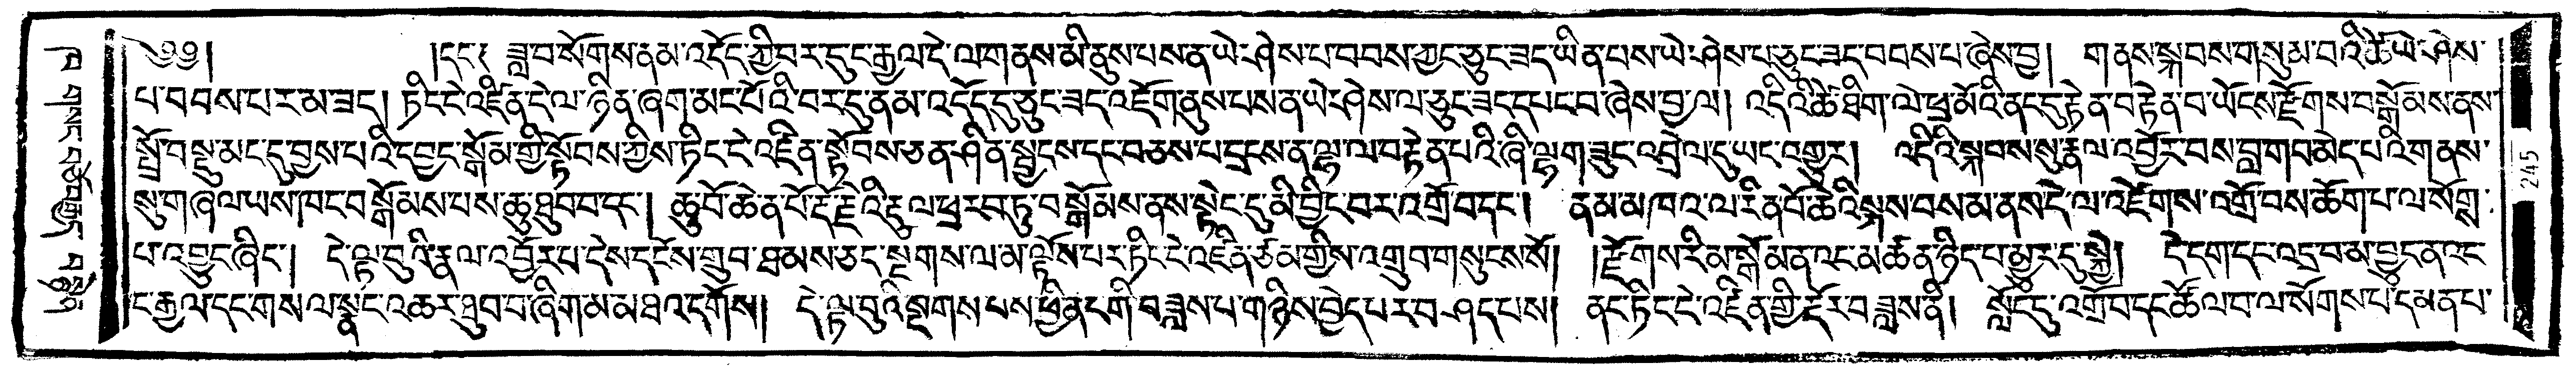༄༅། །དང༑ ཟླ་བ་སོགས་ནམ་འདོད་ཀྱི་བར་དུ་ང་རྒྱལ་དེ་ལ་གནས་མི་ནུས་པས་ན་ཡེ་ཤེས་པ་བབས་ཀྱང་ཅུང་ཟད་ཡིན་པས་ཡེ་ཤེས་པ་ཅུང་ཟད་བབས་པ་ཞེས་བྱ། གནས་སྐབས་གསུམ་བའི་ཚེ་ཡེ་ཤེས་
པ་བབས་པར་མ་ཟད། ཏིང་ངེ་འཛིན་དེ་ལ་ཉིན་ཞག་མང་པོའི་བར་དུ་ནམ་འདོད་དུ་ཅུང་ཟད་འཇོག་ནུས་པས་ན་ཡེ་ཤེས་ལ་ཅུང་ཟད་དཔང་བ་ཞེས་བྱ་ལ། འདིའི་ཚེ་ཐིག་ལེ་ཕྲ་མོའི་ནང་དུ་རྟེན་བརྟེན་པ་ཡོངས་རྫོགས་བསྒོམས་ནས་
སྤྲོ་བསྡུ་མང་དུ་བྱས་པའི་དབྱང་སྒོམ་གྱི་སྟོབས་ཀྱིས་ཏིང་ངེ་འཛིན་སྟོབས་ཅན་ཤིན་སྦྱངས་དང་བཅས་པ་དྲངས་ན་ལྷ་ལ་བརྟེན་པའི་ཞི་ལྷག་ཟུང་འབྲེལ་དུ་ཡང་འགྱུར། འདིའི་སྐབས་སུ་རྣལ་འབྱོར་བས་བླ་གབ་མེད་པའི་གནས་
སུ་གཞལ་ཡས་ཁང་བསྒོམས་པས་ཆུ་ཐུབ་པ་དང་། ཆུ་བོ་ཆེན་པོ་རྡོ་རྗེའི་རྡུལ་ཕྲ་རབ་ཏུ་བསྒོམས་ནས་སྟེང་དུ་མི་བྱིང་བར་འགྲོ་བ་དང་། ནམ་མཁའ་ལ་རིན་པོ་ཆེའི་སྐས་བསམ་ནས་དེ་ལ་འཛེགས་འགྲོ་བས་ཆོག་པ་ལ་སོགས་
པ་འབྱུང་ཞིང་། དེ་ལྟ་བུའི་རྣལ་འབྱོར་པ་དེས་དངོས་གྲུབ་ཐམས་ཅད་སྔགས་ལ་མ་ལྟོས་པར་ཏིང་ངེ་འཛིན་ཙམ་གྱིས་འགྲུབ་གསུངས་སོ། །རྫོགས་རིམ་སྒོམ་ནའང་མཚན་ཉིད་པ་མྱུར་དུ་སྐྱེ། དེ་དག་དང་འདྲ་བ་མ་བྱུང་ནའང་
ང་རྒྱལ་དང་གསལ་སྣང་འཆར་ཐུབ་བ་ཞིག་མ་མཐའ་དགོས། དེ་ལྟ་བུའི་སྔགས་པས་ཕྱི་ནང་གི་བཟླས་པ་གཉིས་བྱེད་པར་བཤད་པས། ནང་ཏིང་ངེ་འཛིན་གྱི་རྡོར་བཟླས་ནི། སློང་དུ་འགྲོ་བ་དང་ཚོལ་བ་ལ་སོགས་པ་དམན་པ་